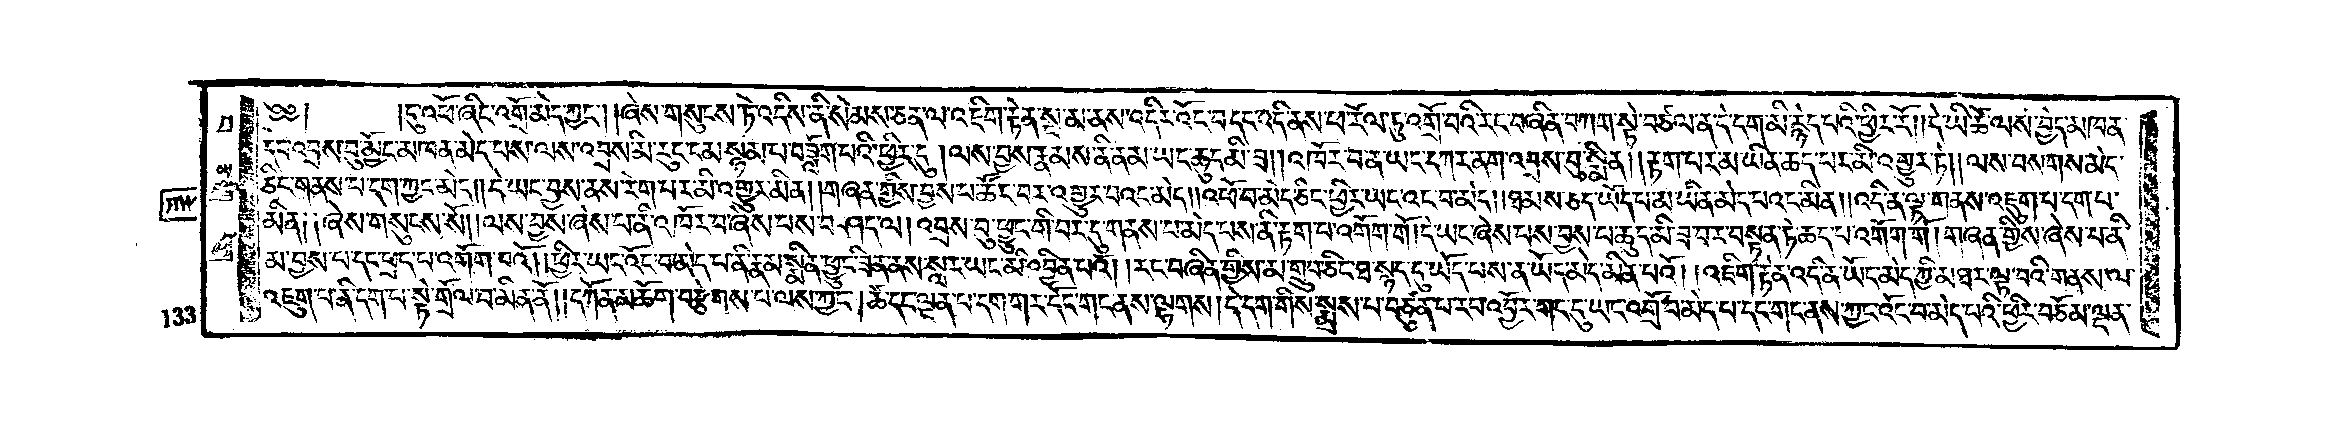༄༅། །དུ་འཕོ་ཞིང་འགྲོ་མེད་ཀྱང་། །ཞེས་གསུངས་ཏེ་འདིས་ནི་སེམས་ཅན་ལ་འཇིག་རྟེན་སྔ་མ་ནས་འདིར་འོང་བ་དང་འདི་ནས་ཕ་རོལ་ཏུ་འགྲོ་བའི་རང་བཞིན་བཀག་སྟེ་བཙལ་ན་དེ་དག་མི་རྙེད་པའི་ཕྱིར་རོ། །དེ་ཡི་ཚོ་ལས་བྱེད་མཁན་
དང་འབྲས་བུ་མྱོང་མཁན་མེད་པས་ལས་འབྲས་མི་རུང་ངམ་སྙམ་པ་བཟློག་པའི་ཕྱིར་དུ། ལས་བྱས་རྣམས་ནི་ནམ་ཡང་ཆུད་མི་ཟ། །འཁོར་བ་ན་ཡང་དཀར་ནག་འབྲས་བུ་སྨིན། །རྟག་པར་མ་ཡིན་ཆད་པར་མི་འགྱུར་ཏེ། །ལས་བསགས་མེད་
ཅིང་གནས་པ་དག་ཀྱང་མེད། །དེ་ཡང་བྱས་ནས་རེག་པར་མི་འགྱུར་མིན། །གཞན་གྱིས་བྱས་པ་ཚོར་བར་འགྱུར་བའང་མེད། །འཕོ་བ་མེད་ཅིང་ཕྱིར་ཡང་འང་བ་མེད། །ཐམས་ཅད་ཡོད་པ་མ་ཡིན་མེད་པའང་མིན། །འདི་ན་ལྟ་གནས་འཇུག་པ་དག་པ་
མིན༑ ༑ཞེས་གསུངས་སོ། །ལས་བྱས་ཞེས་པ་ནི་འཁོར་བ་ཞེས་པས་བཤད་ལ། འབྲས་བུ་ཕྱུང་གི་པར་དུ་གནས་པ་མེད་པས་ནི་རྟག་པ་འགོག་གོ། དེ་ཡང་ཞེས་པས་བྱས་པ་ཆུད་མི་ཟ་བར་བསྟན་ཏེ་ཆད་པ་འགོག་གོ། གཞན་གྱིས་ཞེས་པ་ནི་
མ་བྱས་པ་དང་ཕྲད་པ་འགོག་བའོ། །ཕྱིར་ཡང་འོང་བ་མེད་པ་ནི་རྣམ་སྨིན་ཕྱུང་ཟིན་ནས་སླར་ཡང་མི་འབྱིན་པའོ། །རང་བཞིན་གྱིས་མ་གྲུབ་ཅིང་ཐ་སྙད་དུ་ཡོད་པས་ན་ཡོད་མེད་མིན་པའོ། །འཇིག་རྟེན་འདི་ན་ཡོད་མེད་ཀྱི་མཐར་ལྟ་བའི་གནས་ལ་
འཇུག་པ་ནི་དག་པ་སྟེ་གྲོལ་བ་མིན་ནོ། །དཀོན་མཆོག་བརྩེགས་པ་ལས་ཀྱང་། ཚེ་དང་ལྡན་པ་དག་གར་དོང་གང་ནས་ལྷགས། དེ་དག་གིས་སྨྲས་པ་བཙུན་པ་རབ་འབྱོར་གང་དུ་ཡང་འགྲོ་བ་མེད་པ་དང་གང་ནས་ཀྱང་འོང་བ་མེད་པའི་ཕྱིར་བཅོམ་ལྡན་